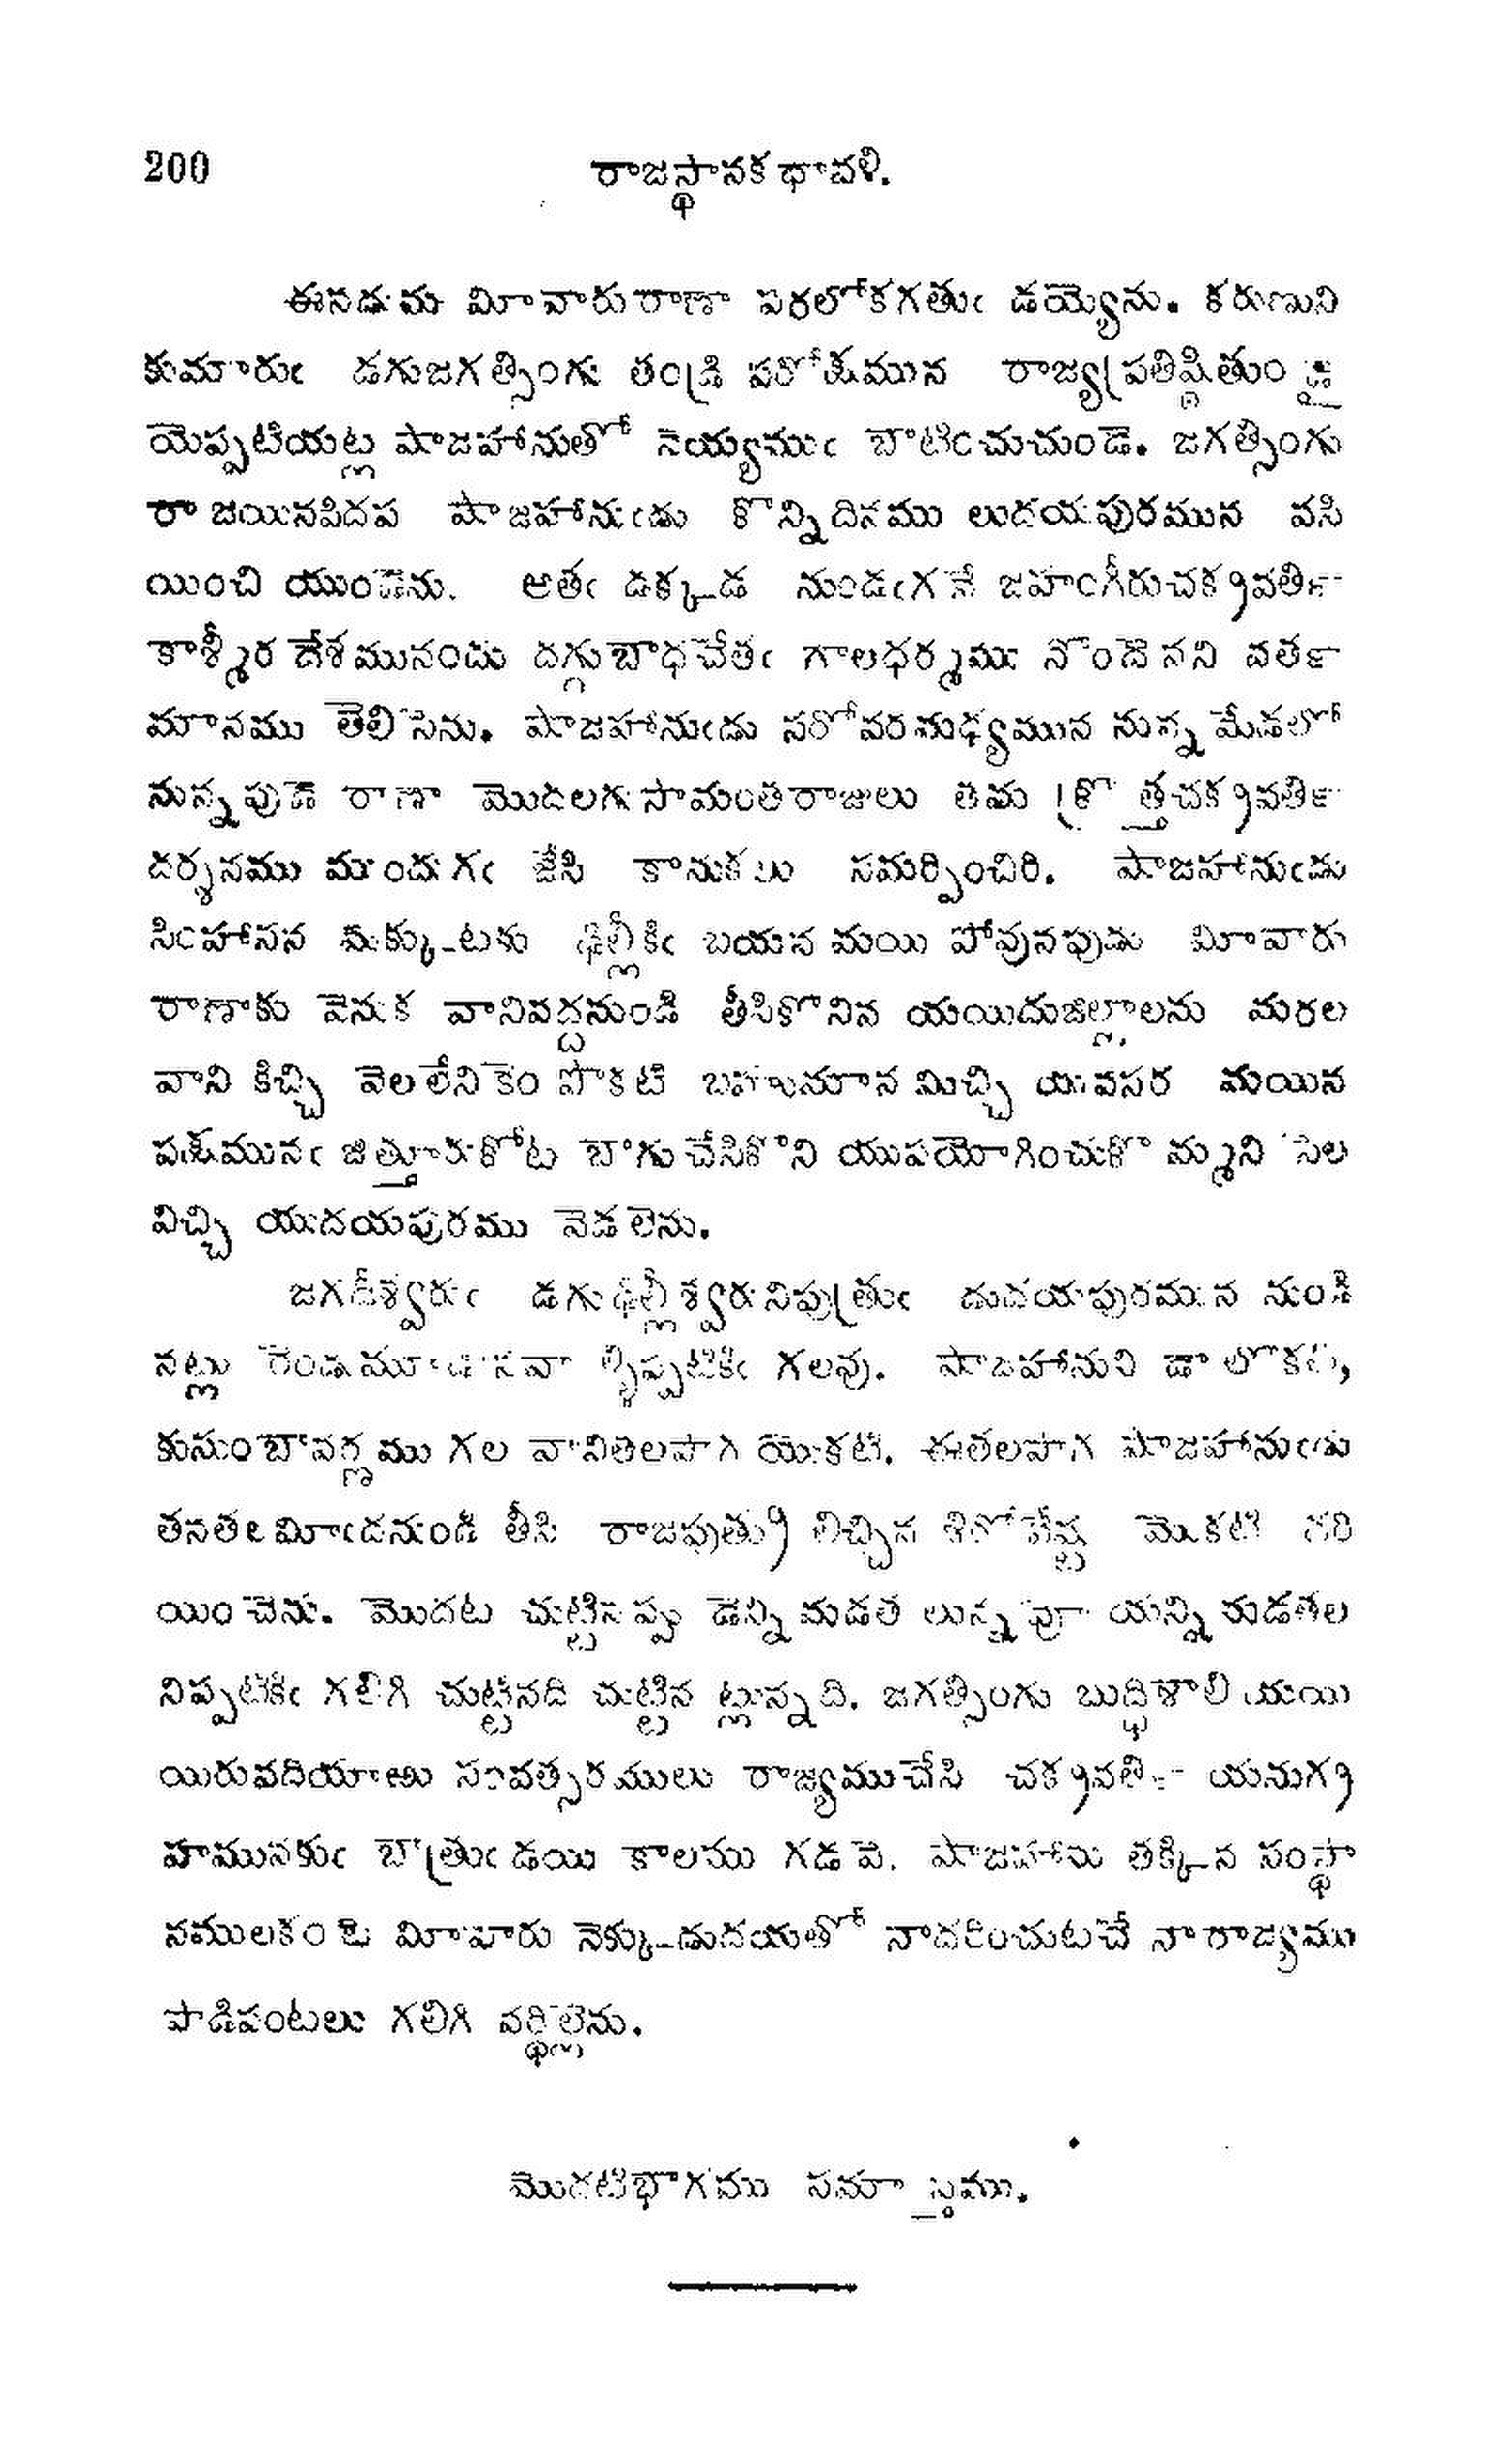ఈనడుమ మీవారు రాణా పరలోక గతుఁ డయ్యెను. కరుణుని కుమారుఁ డగుజగత్సింగు తండ్రి పరోక్షమున రాజ్య పతిష్ఠితుండై
యెప్పటియట్ల షాజహానుతో నెయ్యముఁ బాటించుచుండె. జగత్సింగు రాజయినపిదప షాజహానుఁడు కొన్ని దినము లుదయ పురమున వసియించి యుండెను. అతఁ డక్కడ నుండఁగ నే జహంగీరుచక్రవతి౯ కాశ్మీర దేశమునందు దగ్గుబాధ చేతఁ గాలధర్మము నొందెనని వత౯
మానము తెలిసెను. షాజహానుఁడు సరోవర మధ్యమున నున్న మేడలో నున్నపుడె రాణా మొదలగు సామంత రాజులు తమ కొత్తచక్రవతి౯
దర్శనము ముందుగఁ జేసి కానుకలు సమర్పించిరి. షాజహానుఁడు సింహాసన మెక్కుటకు ఢిల్లీకిఁ బయన మయి పోవునపుడు మీవారు
రాణాకు వెనక వానివద్దనుండి తీసికొనిన యయిదు జిల్లాలను మరల వాని కిచ్చి వేలలేని కెంపోకటి బహుమాన మిచ్చి యవసర మయిన
పక్షమునఁ జిత్తురు కోట బాగు చేసికోని యుపయోగించుకొమ్మని సెలవిచ్చి యుదయపురము వెడలెను.

జగదీశ్వరుఁ డగు ఢిల్లీశ్వర నిపుత్రుఁ డుదయపురమున నుండి నట్లు రెండుమూడానవాళ్ళిప్పటికిఁ గలవు. షాజహానుని డాలోకటి,
కుసుంబావర్ణము గల వాని తలపాగ యొకటి. ఈతలపాగ పాజహానుఁడు తనతల మీఁదనుండి తీసి రాజపుత్రు లిచ్చిన శిరోవేష్ట మొకటి ధరి
యించెను. మొదట చుట్టినప్పు డెన్ని మడత లున్నవో యన్ని మడతల నిప్పటికిఁ గలిగి చుట్టినది చుట్టినట్లున్నది. జగత్సింగు బుద్దిశాలి యయి యిరువదియాఱు సంవత్సరములు రాజ్యము చేసి చక్రవతి౯ యనుగ్రహమునకుఁ బాత్రుఁ డయి కాలము గడపె. షాజహాను తక్కిన సంస్థానములకంటె మీవారు నెక్కుడుదయతో నాదరించుటచే నా రాజ్యము పాడిపంటలు గలిగి వర్ధిల్లెను.